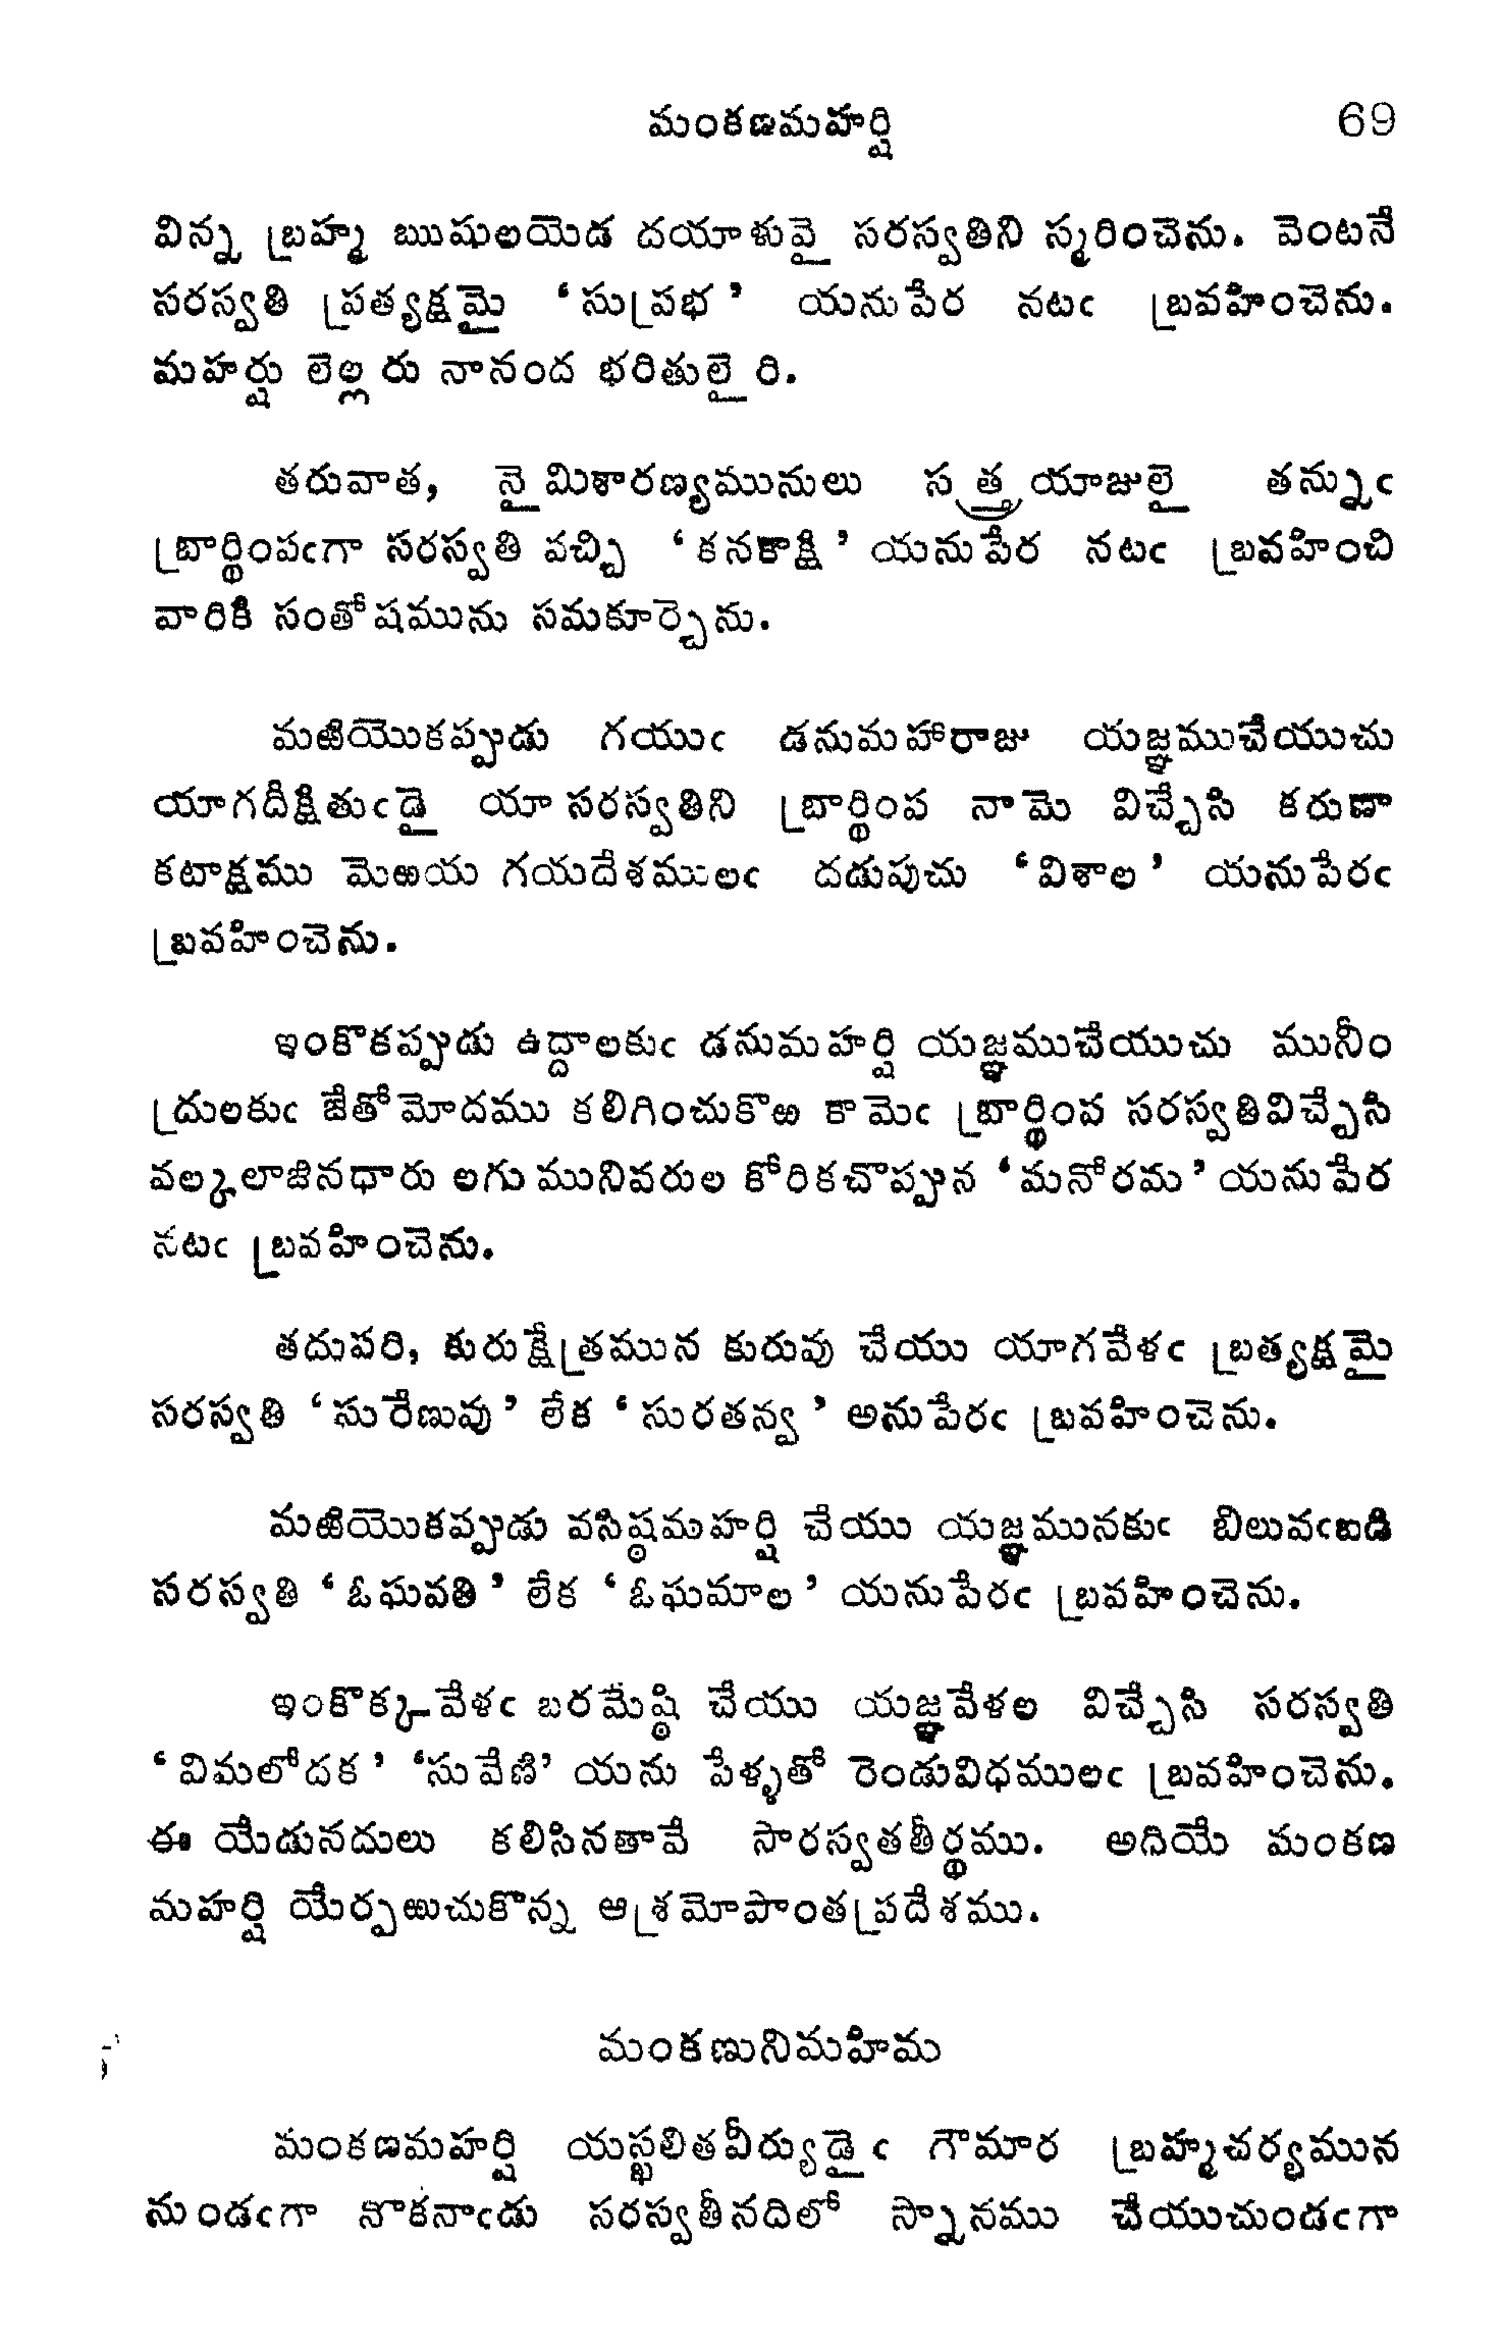విన్న బ్రహ్మ ఋషులయెడ దయాళువై సరస్వతిని స్మరించెను. వెంటనే సరస్వతి ప్రత్యక్షమై 'సుప్రభ' యను పేర నటఁ బ్రవహించెను. మహర్షు లెల్లరు నానంద భరితులైరి.

తరువాత, నైమిశారణ్యమునులు సత్ర యాజులై తన్నుఁ బ్రార్థింపఁగా సరస్వతి వచ్చి " కనకాక్షి ' యను పేర నటఁ బ్రవహించి వారికి సంతోషమును సమకూర్చెను.

మఱియొకప్పుడు గయుఁ డనుమహారాజు యజ్ఞముచేయుచు యాగదిక్షితుఁడై యా సరస్వతిని బ్రార్థింప నామె విచ్చేసి కరుణా కటాక్షము మెఱయ గయదేశములఁ దడుపుచు ‘విశాల' యను పేరం బ్రవహించెను.

ఇంకొకప్పుడు ఉద్దాలకుఁ డనుమహర్షి యజ్ఞముచేయుచు మునీంద్రులకుఁ జేతోమోదము కలిగించుకొఱ కామెఁ బ్రార్థింప సరస్వతివిచ్చేసి వల్కలాజినధారు లగు మునివరుల కోరికచొప్పున ‘మనోరమ' యను పేర నటఁ బ్రవహించెను.

తదుపరి, కురుక్షేత్రమున కురువు చేయు యాగవేళఁ బ్రత్యక్షమై సరస్వతి ‘సురేణువు ' లేక ' సురతన్వ' అను పేరఁ బ్రవహించెను.

మఱియొకప్పుడు వసిష్ఠమహర్షి చేయు యజ్ఞమునకుఁ బిలువఁబడి సరస్వతి 'ఓఘవతి' లేక 'ఓఘమాల' యనుపేరఁ బ్రవహించెను.

ఇంకొక్క వేళఁ బరమేష్ఠి చేయు యజ్ఞవేళల విచ్చేసి సరస్వతి 'విమలోదక' 'సువేణి' యను పేళ్ళతో రెండువిధములఁ బ్రవహించెను. ఈ యేడునదులు కలిసినతావే సారస్వత తీర్థము. అదియే మంకణ మహర్షి యేర్పఱుచుకొన్న ఆశ్రమోపాంతప్రదేశము.

మంకణుని మహిమ 

మంకణమహర్షి యస్ఖలితవీర్యుడైఁ గౌమార బ్రహ్మచర్యమున నుండఁగా నొకనాఁడు సరస్వతీనదిలో స్నానము చేయుచుండఁగా